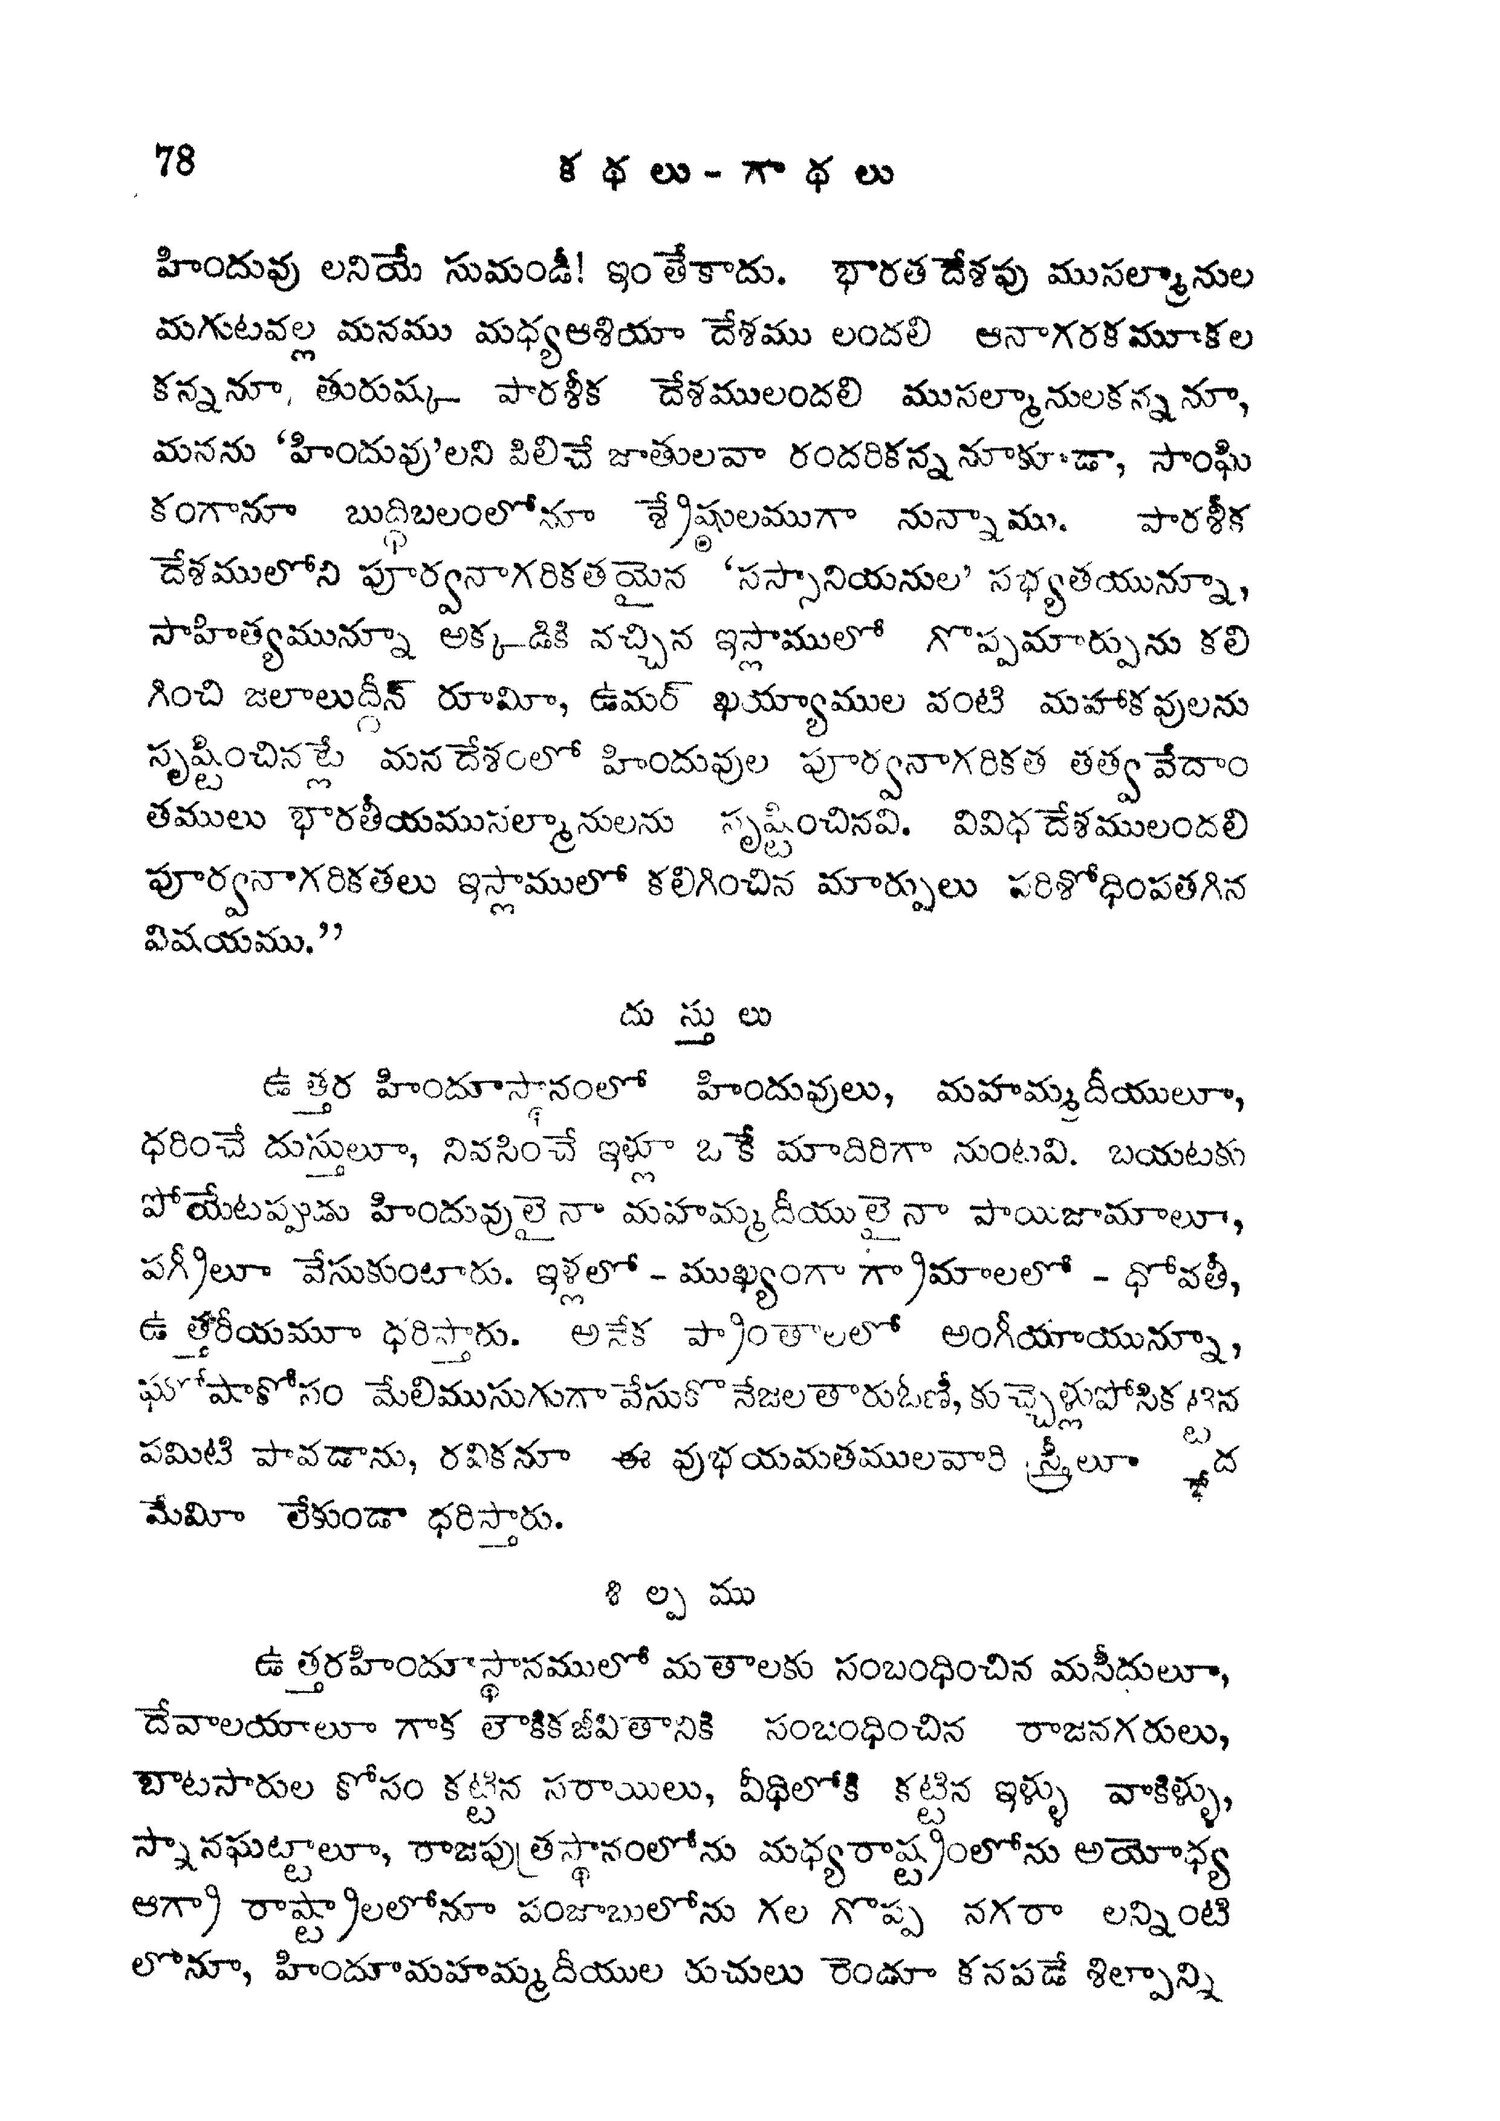హిందువు లనియే సుమండీ! ఇంతేకాదు. భారతదేశపు ముసల్మానుల మగుటవల్ల మనము మధ్యఆశియా దేశము లందలి అనాగరికమూకలకన్ననూ తురుష్క పారశీక దేశములందలి ముసల్మానులకన్ననూ, మనను 'హిందువు ' లని పిలిచే జాతులవా రందరికన్ననూకూడా, సాంఘికంగానూ బుద్దిబలంలోనూ శ్రేష్ఠులముగా నున్నాము. పారశీక దేశములోని పూర్వనాగరికతయైన 'నస్సానియనుల ' సభ్యతయున్నూ, సాహిత్యమున్నూ అక్కడికి వచ్చిన ఇస్లాములో గొప్పమార్పును కలిగించి జలాలుద్దీన్ రూమీ, ఉమర్ 
ఖయ్యాముల వంటి మహాకవులను సృష్టించినట్లే మనదేశంలో హిందువుల పూర్వనాగరికత తత్వవేదాంతములు భారతీయముసల్మానులను సృష్టించినవి. వివిధదేశములందలి పూర్వనాగరికతలు ఇస్లాములో కలిగించిన మార్పులు పరిశోధింపతగిన విషయము."

ఉత్తర హిందూస్థానంలో హిందువులు, మహమ్మదీయులూ, ధరించే దుస్తులూ, నివసించే ఇళ్లూ ఒకే మాదిరిగా నుంటవి. బయటకు పోయేటప్పుడు హిందువులైనా మహమ్మదీయులైనా పాయిజామాలూ, పగ్రీలూ వేసుకుంటారు. ఇళ్లలో - ముఖ్యముగా గ్రామాలలో - ధోవతీ, ఉత్తరీయమూ ధరిస్తారు. అనేక ప్రాంతాలలో అంగీయాయున్నూ, ఘోషాకోసం మేలిముసుగుగా వేసుకొనేజలతారు వోణీ, కుచ్చెళ్లపోసికట్టిన పమిటి పావడాను, రవికనూ ఈ వుభయమతములవారి స్త్రీలూ భేధమేమీ లేకుండా ధరిస్తారు.

ఉత్తరహిందూస్థానములో మతాలకు సంబంధించిన మసీదులూ, దేవాలయాలూ గాక లౌకికజీవితానికి సంబంధించిన రాజనగరులు, బాటసారుల కోసం కట్టిన సరాయిలు, వీధిలోకి కట్టిన ఇళ్ళు వాకిళ్ళు, స్నానఘట్టాలూ, రాజపుత్రస్థానంలోను మధ్యరాష్ట్రంలోనూ అయోధ్య ఆగ్రా రాష్ట్రాలలోనూ పంజాబులోను గల గొప్ప నగరా లన్నింటి లోనూ హిందూమహమ్మదీయుల రుచులు రెండూ కనపడే శిల్పాన్ని